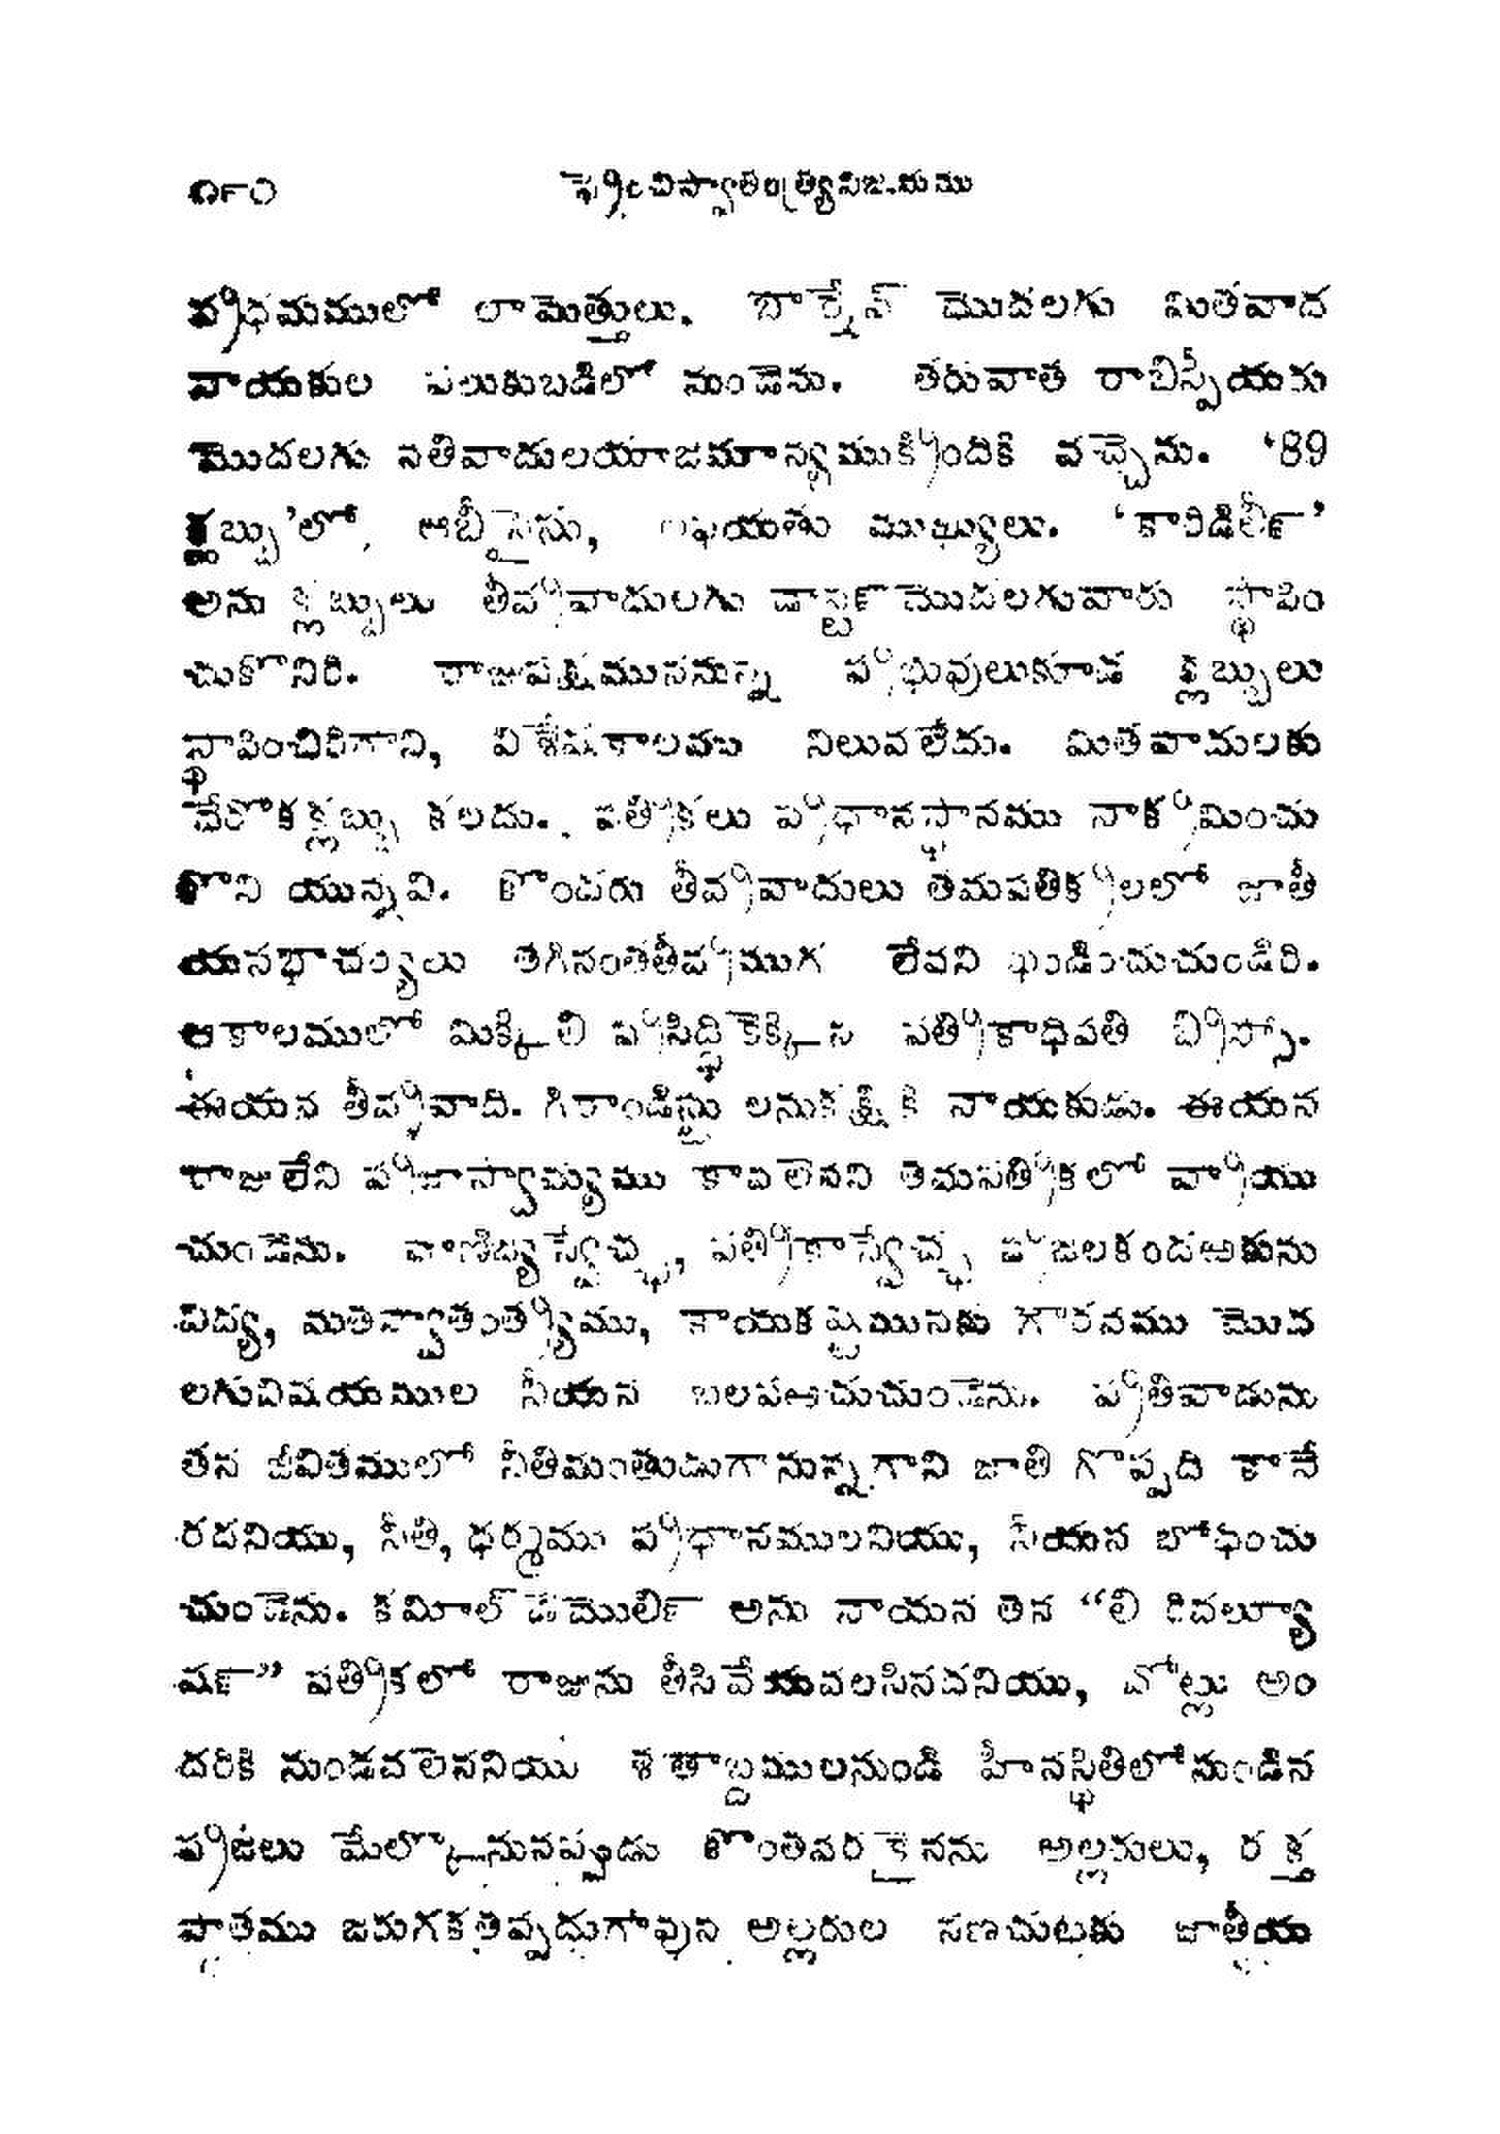ప్రధమములో లామొత్తులు, గార్నేన్ మొదలగు మితవాద నాయకుల
పలుకుబడిలో నుండెను, తరువాత రాబిస్పేయయరు
మొదలగు సతివాదుల యాజమాన్యము కిందికి వచ్చెను. '89
క్లబ్బులలో, అబీ సైసు, లఫయతు ముఖ్యులు. కారిడిలీన్
అను క్లబ్బులు తీవ్రవాదులగు డాస్టన్ మొదలగు వారుస్థాపించు కొనిరి.
రాజుపక్షముననున్న ప్రభువులు కూడ క్లబ్బులు స్థాపించిరిగాని, విశేష కాలము నిలువలేదు. మితవాదులకు వేరొకక్లలబ్బు కలదు., పత్రికలు ప్రధాన స్థానము నాక్ర మించు
కొని యున్నవి. కొందరు తీవ్రవాదులు తమపత్రిక లలో జాతీయసభా చర్యులు తగిసంత తీవ్రముగ లేవని ఖండించు చుండిరి. ఆ కాలములో మిక్కిలి ప్రసిద్ధి కెక్కిన పత్రికాధిపతి బ్రిస్సో,
ఈయన తీవ్ర వాది. గికాండిస్టు లను కక్షికి నాయకుడు. ఈయన
రాజు లేని ప్రజాస్వామ్యము కావలెనని తమ పత్రిక లో వ్రాయు
చుండెను, వాణిజ్య స్వేచ్ఛ, పత్రిస్వేచ్చ ప్రజలందరకును 
విద్య, మత స్వాతంత్యము, కాయక ష్టమునకు గౌరవము మొద
లగుచిషయముల నీయని బలపరచుచుండెను. ప్రతివాడును
తన జీవితములో నీతిమంతుడుగా నున్నగాని జాతి గొప్పది కానే
రదనియు, నీతి, ధర్మము ప్రధానములనియు, నీయన బోధించు
చుండెను. కమీల్ డిమొలి” అను నాయన తెన “లి రివల్యూ
షన్ " పత్రికలో రాజును తీసివేయవలసిన దనియు, వోట్లు అం
దరికి నుండవలెననియు శతాబ్దములనుండి హీనస్థితిలో సుడిన
ప్రజలు మేల్కొనునప్పుడు కొంతవరకైనను అల్లరులు, రక్త
పాతము జరుగక తప్పదు గావున అల్లరుల సణచుటకు జాతీయ